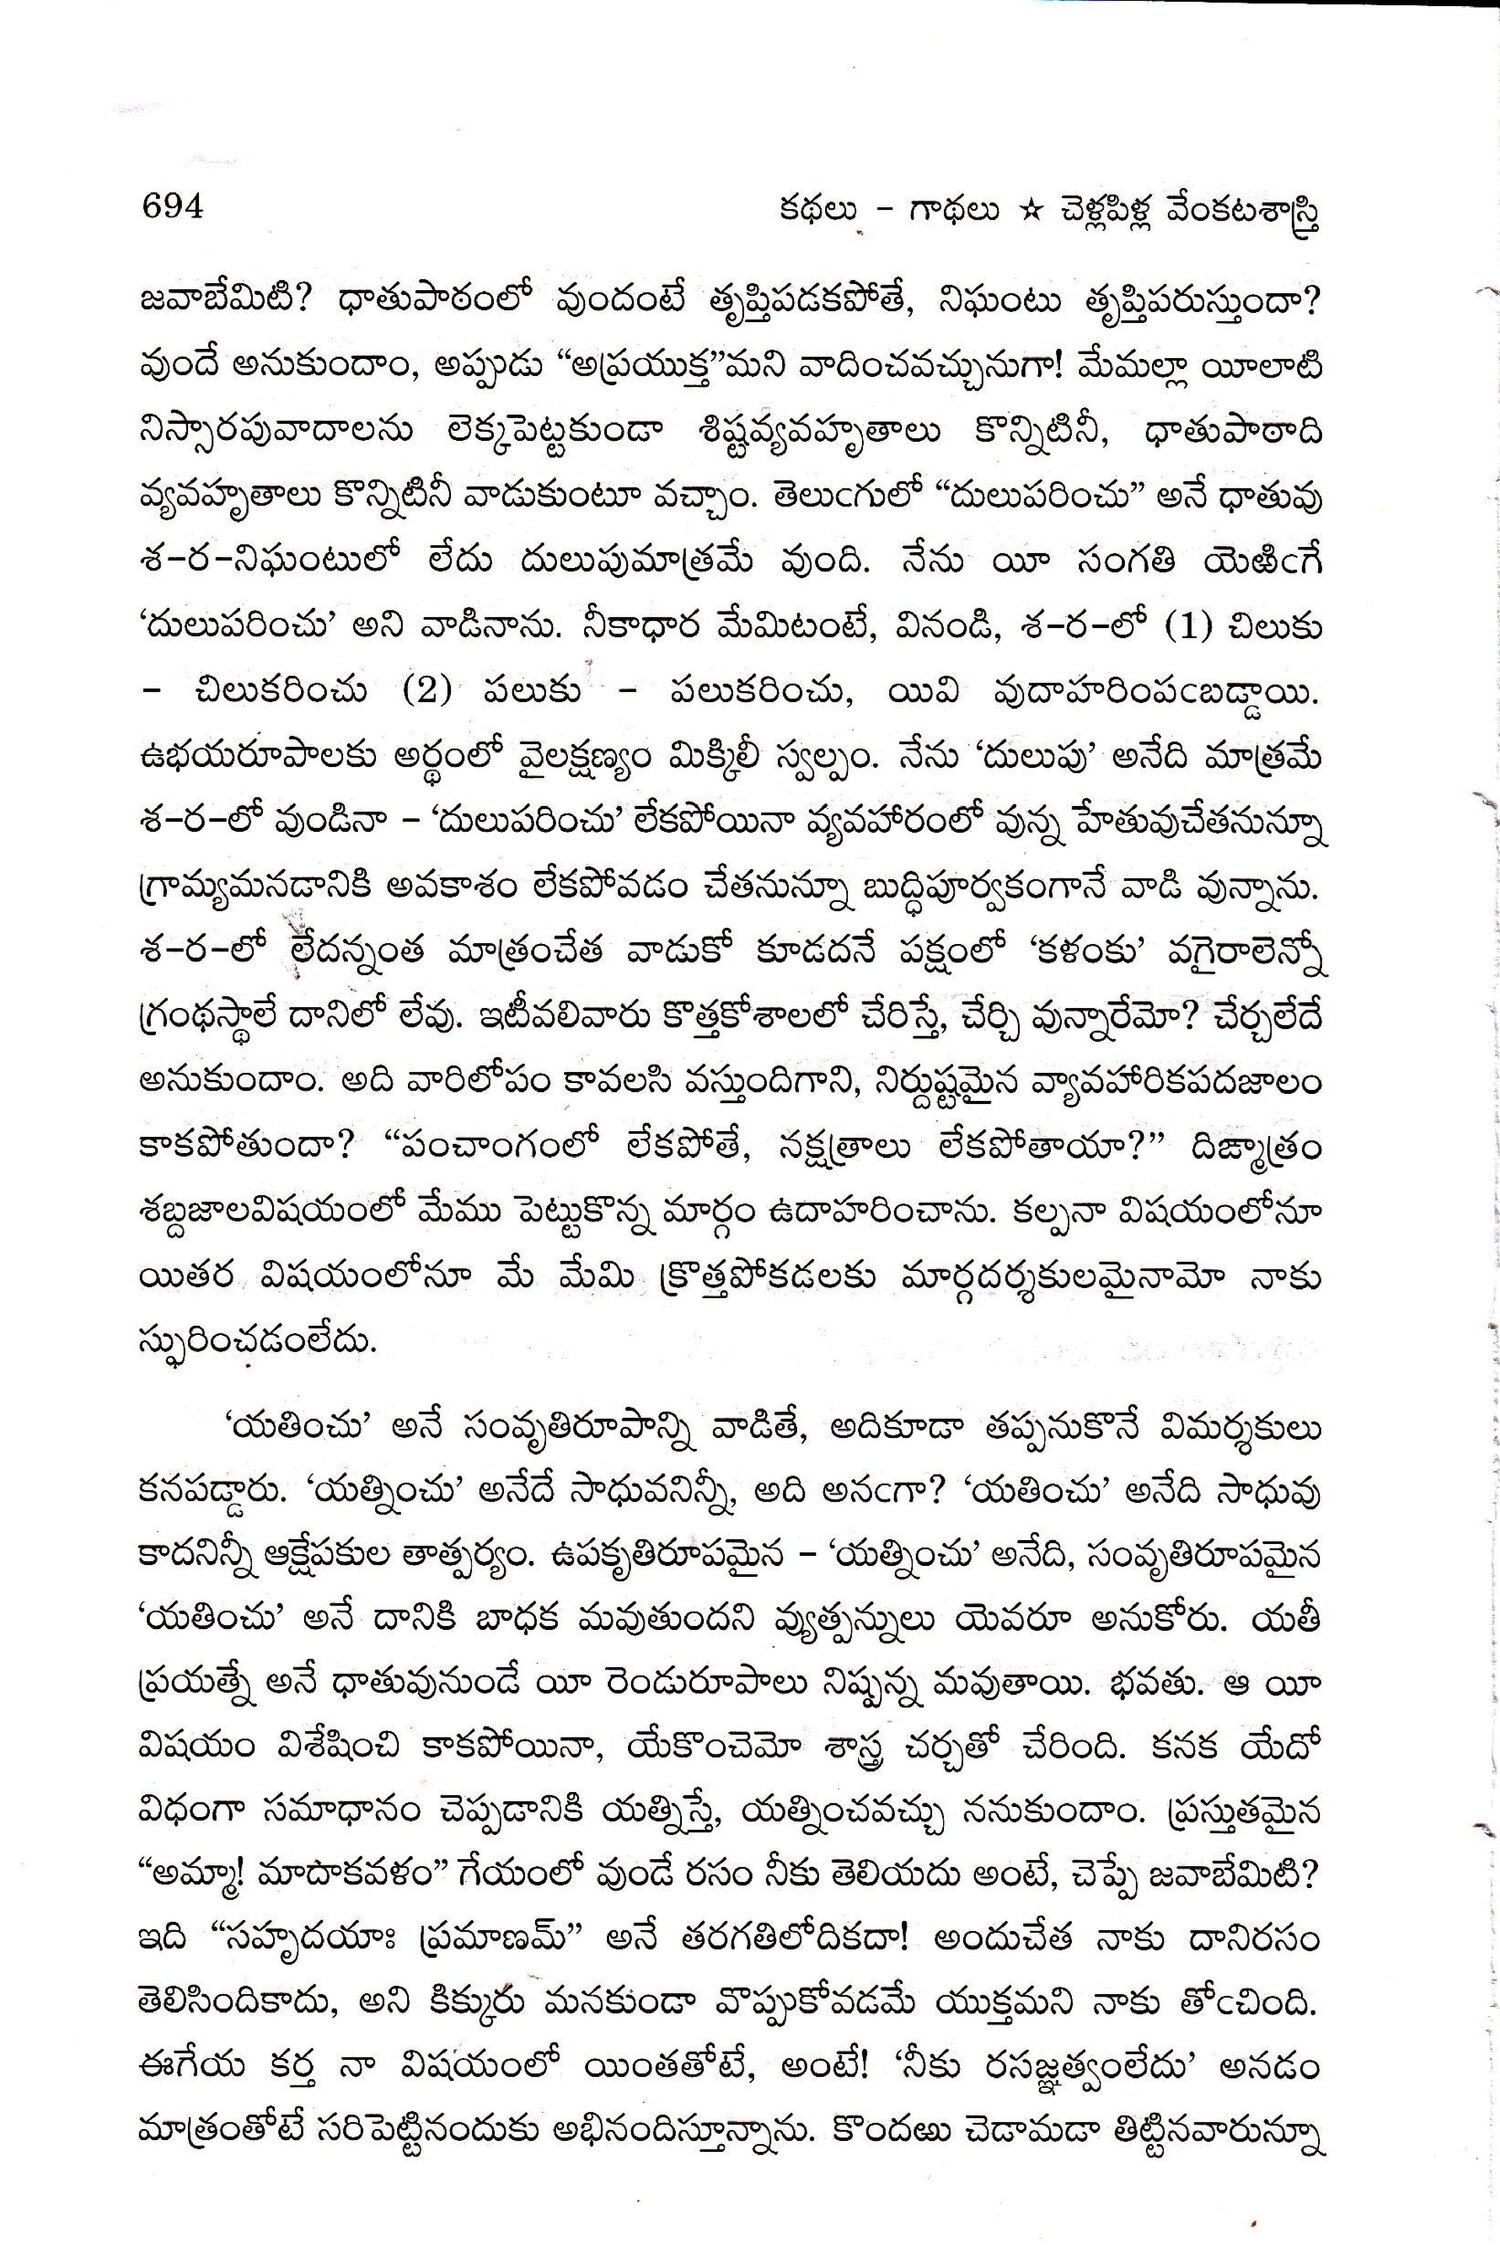జవాబేమిటి? ధాతుపాఠంలో వుందంటే తృప్తిపడకపోతే, నిఘంటు తృప్తిపరుస్తుందా? వుందే అనుకుందాం, అప్పుడు “అప్రయుక్త"మని వాదించవచ్చునుగా! మేమల్లా యీలాటి నిస్సారపువాదాలను లెక్కపెట్టకుండా శిష్టవ్యవహృతాలు కొన్నిటినీ, ధాతుపాఠాది వ్యవహృతాలు కొన్నిటినీ వాడుకుంటూ వచ్చాం. తెలుఁగులో “దులుపరించు" అనే ధాతువు శ-ర-నిఘంటులో లేదు దులుపుమాత్రమే వుంది. నేను యీ సంగతి యెఱిఁగే ‘దులుపరించు' అని వాడినాను. నీకాధార మేమిటంటే, వినండి, శ-ర-లో (1) చిలుకు - చిలుకరించు (2) పలుకు — పలుకరించు, యివి వుదాహరింపఁబడ్డాయి. ఉభయరూపాలకు అర్థంలో వైలక్షణ్యం మిక్కిలీ స్వల్పం. నేను 'దులుపు' అనేది మాత్రమే శ-ర-లో వుండినా - "దులుపరించు' లేకపోయినా వ్యవహారంలో వున్న హేతువుచేతనున్నూ గ్రామ్యమనడానికి అవకాశం లేకపోవడం చేతనున్నూ బుద్ధిపూర్వకంగానే వాడి వున్నాను. శ-ర-లో లేదన్నంత మాత్రంచేత వాడుకో కూడదనే పక్షంలో 'కళంకు' వగైరాలెన్నో గ్రంథస్థాలే దానిలో లేవు. ఇటీవలివారు కొత్తకోశాలలో చేరిస్తే, చేర్చి వున్నారేమో? చేర్చలేదే అనుకుందాం. అది వారిలోపం కావలసి వస్తుందిగాని, నిర్దుష్టమైన వ్యావహారికపదజాలం కాకపోతుందా? “పంచాంగంలో లేకపోతే, నక్షత్రాలు లేకపోతాయా?” దిజ్మాత్రం శబ్దజాలవిషయంలో మేము పెట్టుకొన్న మార్గం ఉదాహరించాను. కల్పనా విషయంలోనూ యితర విషయంలోనూ మే మేమి క్రొత్తపోకడలకు మార్గదర్శకులమైనామో నాకు స్ఫురించడంలేదు.

'యతించు' అనే సంవృతిరూపాన్ని వాడితే, అదికూడా తప్పనుకొనే విమర్శకులు కనపడ్డారు. 'యత్నించు' అనేదే సాధువనిన్నీ అది అనఁగా? 'యతించు' అనేది సాధువు కాదనిన్నీ ఆక్షేపకుల తాత్పర్యం. ఉపకృతిరూపమైన - 'యత్నించు' అనేది, సంవృతిరూపమైన 'యతించు' అనే దానికి బాధక మవుతుందని వ్యుత్పన్నులు యెవరూ అనుకోరు. యతీ ప్రయత్నే అనే ధాతువునుండే యీ రెండురూపాలు నిష్పన్నమవుతాయి. భవతు. ఆ యీ విషయం విశేషించి కాకపోయినా, యేకొంచెమో శాస్త్ర చర్చతో చేరింది. కనక యేదో విధంగా సమాధానం చెప్పడానికి యత్నిస్తే, యత్నించవచ్చు ననుకుందాం. ప్రస్తుతమైన “అమ్మా! మాదాకవళం' గేయంలో వుండే రసం నీకు తెలియదు అంటే, చెప్పే జవాబేమిటి? ఇది "సహృదయాః ప్రమాణమ్” అనే తరగతిలోదికదా! అందుచేత నాకు దానిరసం తెలిసిందికాదు, అని కిక్కురు మనకుండా వొప్పుకోవడమే యుక్తమని నాకు తోఁచింది. ఈగేయ కర్త నా విషయంలో యింతతోటే, అంటే! 'నీకు రసజ్ఞత్వంలేదు’ అనడం మాత్రంతోటే సరిపెట్టినందుకు అభినందిస్తూన్నాను. కొందఱు చెడామడా తిట్టినవారున్నూ